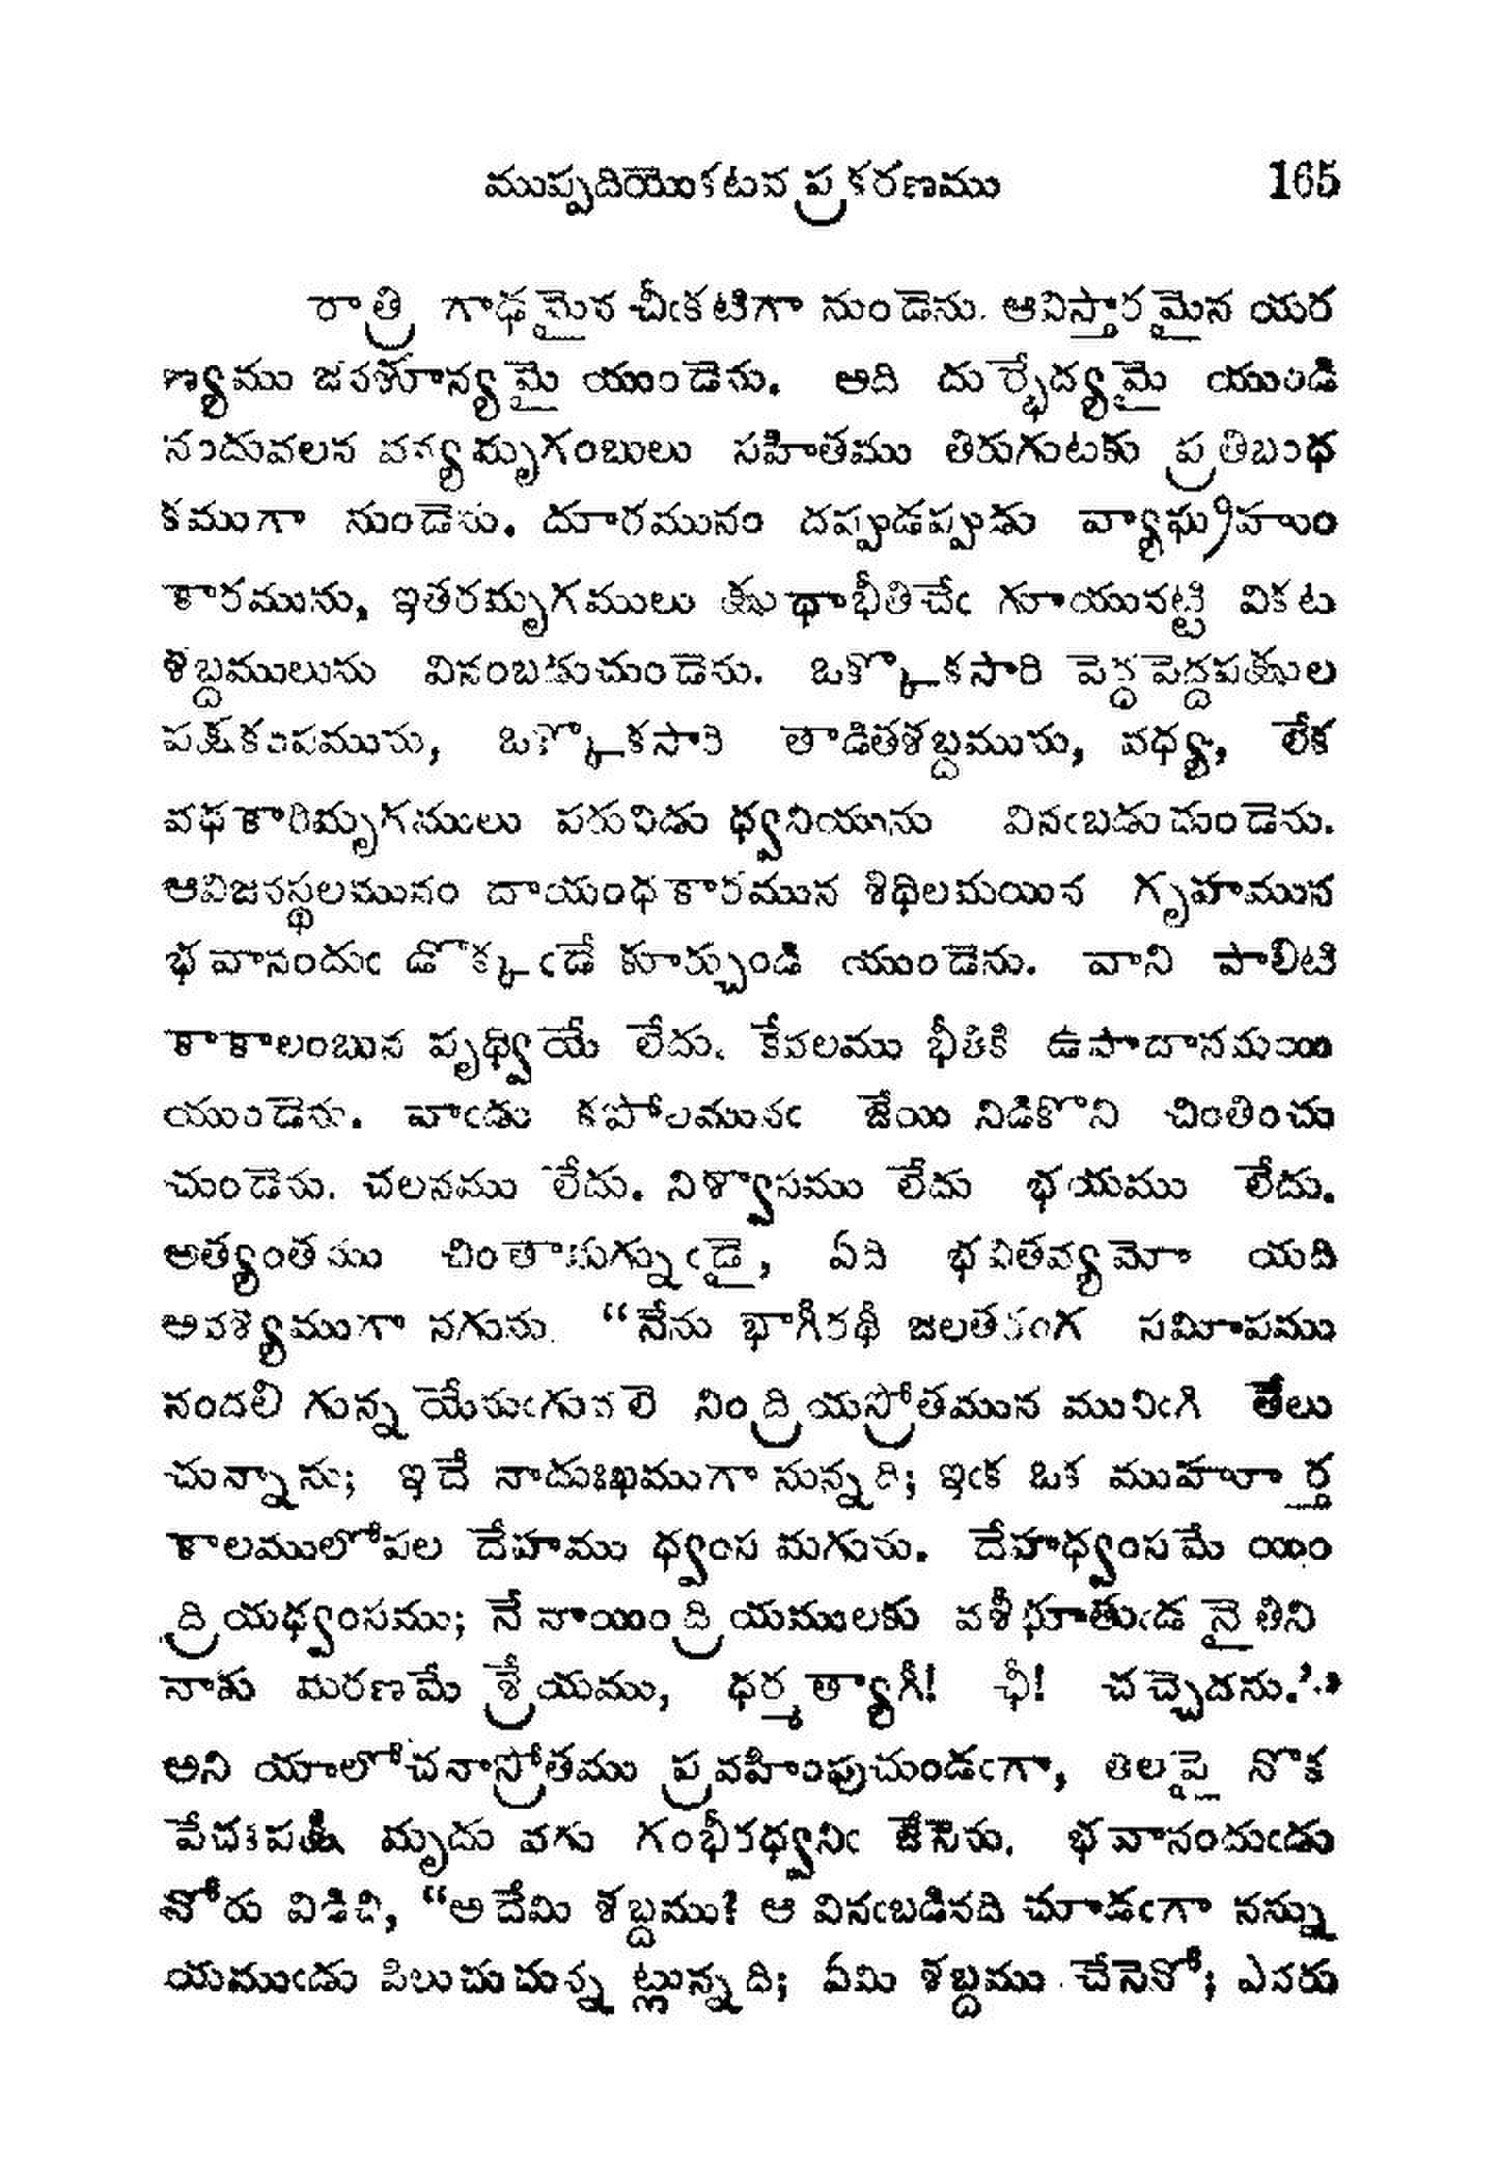రాత్రి గాఢమైన చీఁకటిగా నుండెను. ఆవిస్తారమైన యరణ్యము జనశూన్యమై యుండెను. అది దుర్భేద్యమై యుండి
నందువలన వన్య మృగంబులు సహితము తిరుగుటకు ప్రతిబంధకముగా నుండెను. దూరమునం దప్పుడప్పుడు వ్యాఘ్రహుంకారమును, ఇతరమృగములు క్షుధాభీతిచేఁ గూయునట్టి వికట శబ్దములును వినంబడుచుండెను. ఒక్కొకసారి పెద్ద పెద్ద పక్షుల పక్షకంపమును, ఒక్కొకసారి 'తాడితశబ్దములు, వధ్య, లేక వధకారి మృగములు పరువిడు ధ్వనియును వినఁబడుచుండెను. ఆవిజనస్థలమునం దాయంధ కారమున శిథిలమయిన గృహమున భవానందుఁ డొక్కఁడే కూర్చుండి యుండెను. వాని పాలిటి కాకాలంబున పృథ్వియే లేదు, కేవలము భీతికి ఉపాదానమయి యుండెను. వాఁడు కపోలమునఁ జేయి నిడికొని చింతించు చుండెను. చలనము లేదు. నిశ్వాసము లేదు భయము లేదు. అత్యంతము చింతామగ్నుఁడై, ఏది భవితవ్యమో యది అవశ్యముగా నగును. "నేను భాగీరథీ జలతరంగ సమీపము నందలి గున్న యేనుఁగువలె నింద్రియ స్రోతమున మునిఁగి తేలు చున్నాను; ఇదే నాదుఃఖముగా నున్నది; ఇఁక ఒక ముహూర్త కాలములోపల దేహము ధ్వంస మగును. దేహధ్వంసమే యింద్రియ ధ్వంసము;నే నాయింద్రియములకు వశీ భూతుఁడ నైతిని నాకు మరణమే శ్రేయము, ధర్మ త్యాగీ! ఛీ! చచ్చెదను." అని యాలోచనాస్రోతము ప్రవహింపుచుండఁగా, తలపై నొక పేచకపడక్షి మృదు వగు గంభీరధ్వనిఁ జేసెను. భవానందుఁడు నోరు విడిచి, "అదేమి శబ్దము? ఆ వినఁబడినది చూడఁగా నన్ను యముఁడు పిలుచుచున్న ట్లున్నది; ఏమి శబ్దము చేసెనో; ఎవరు